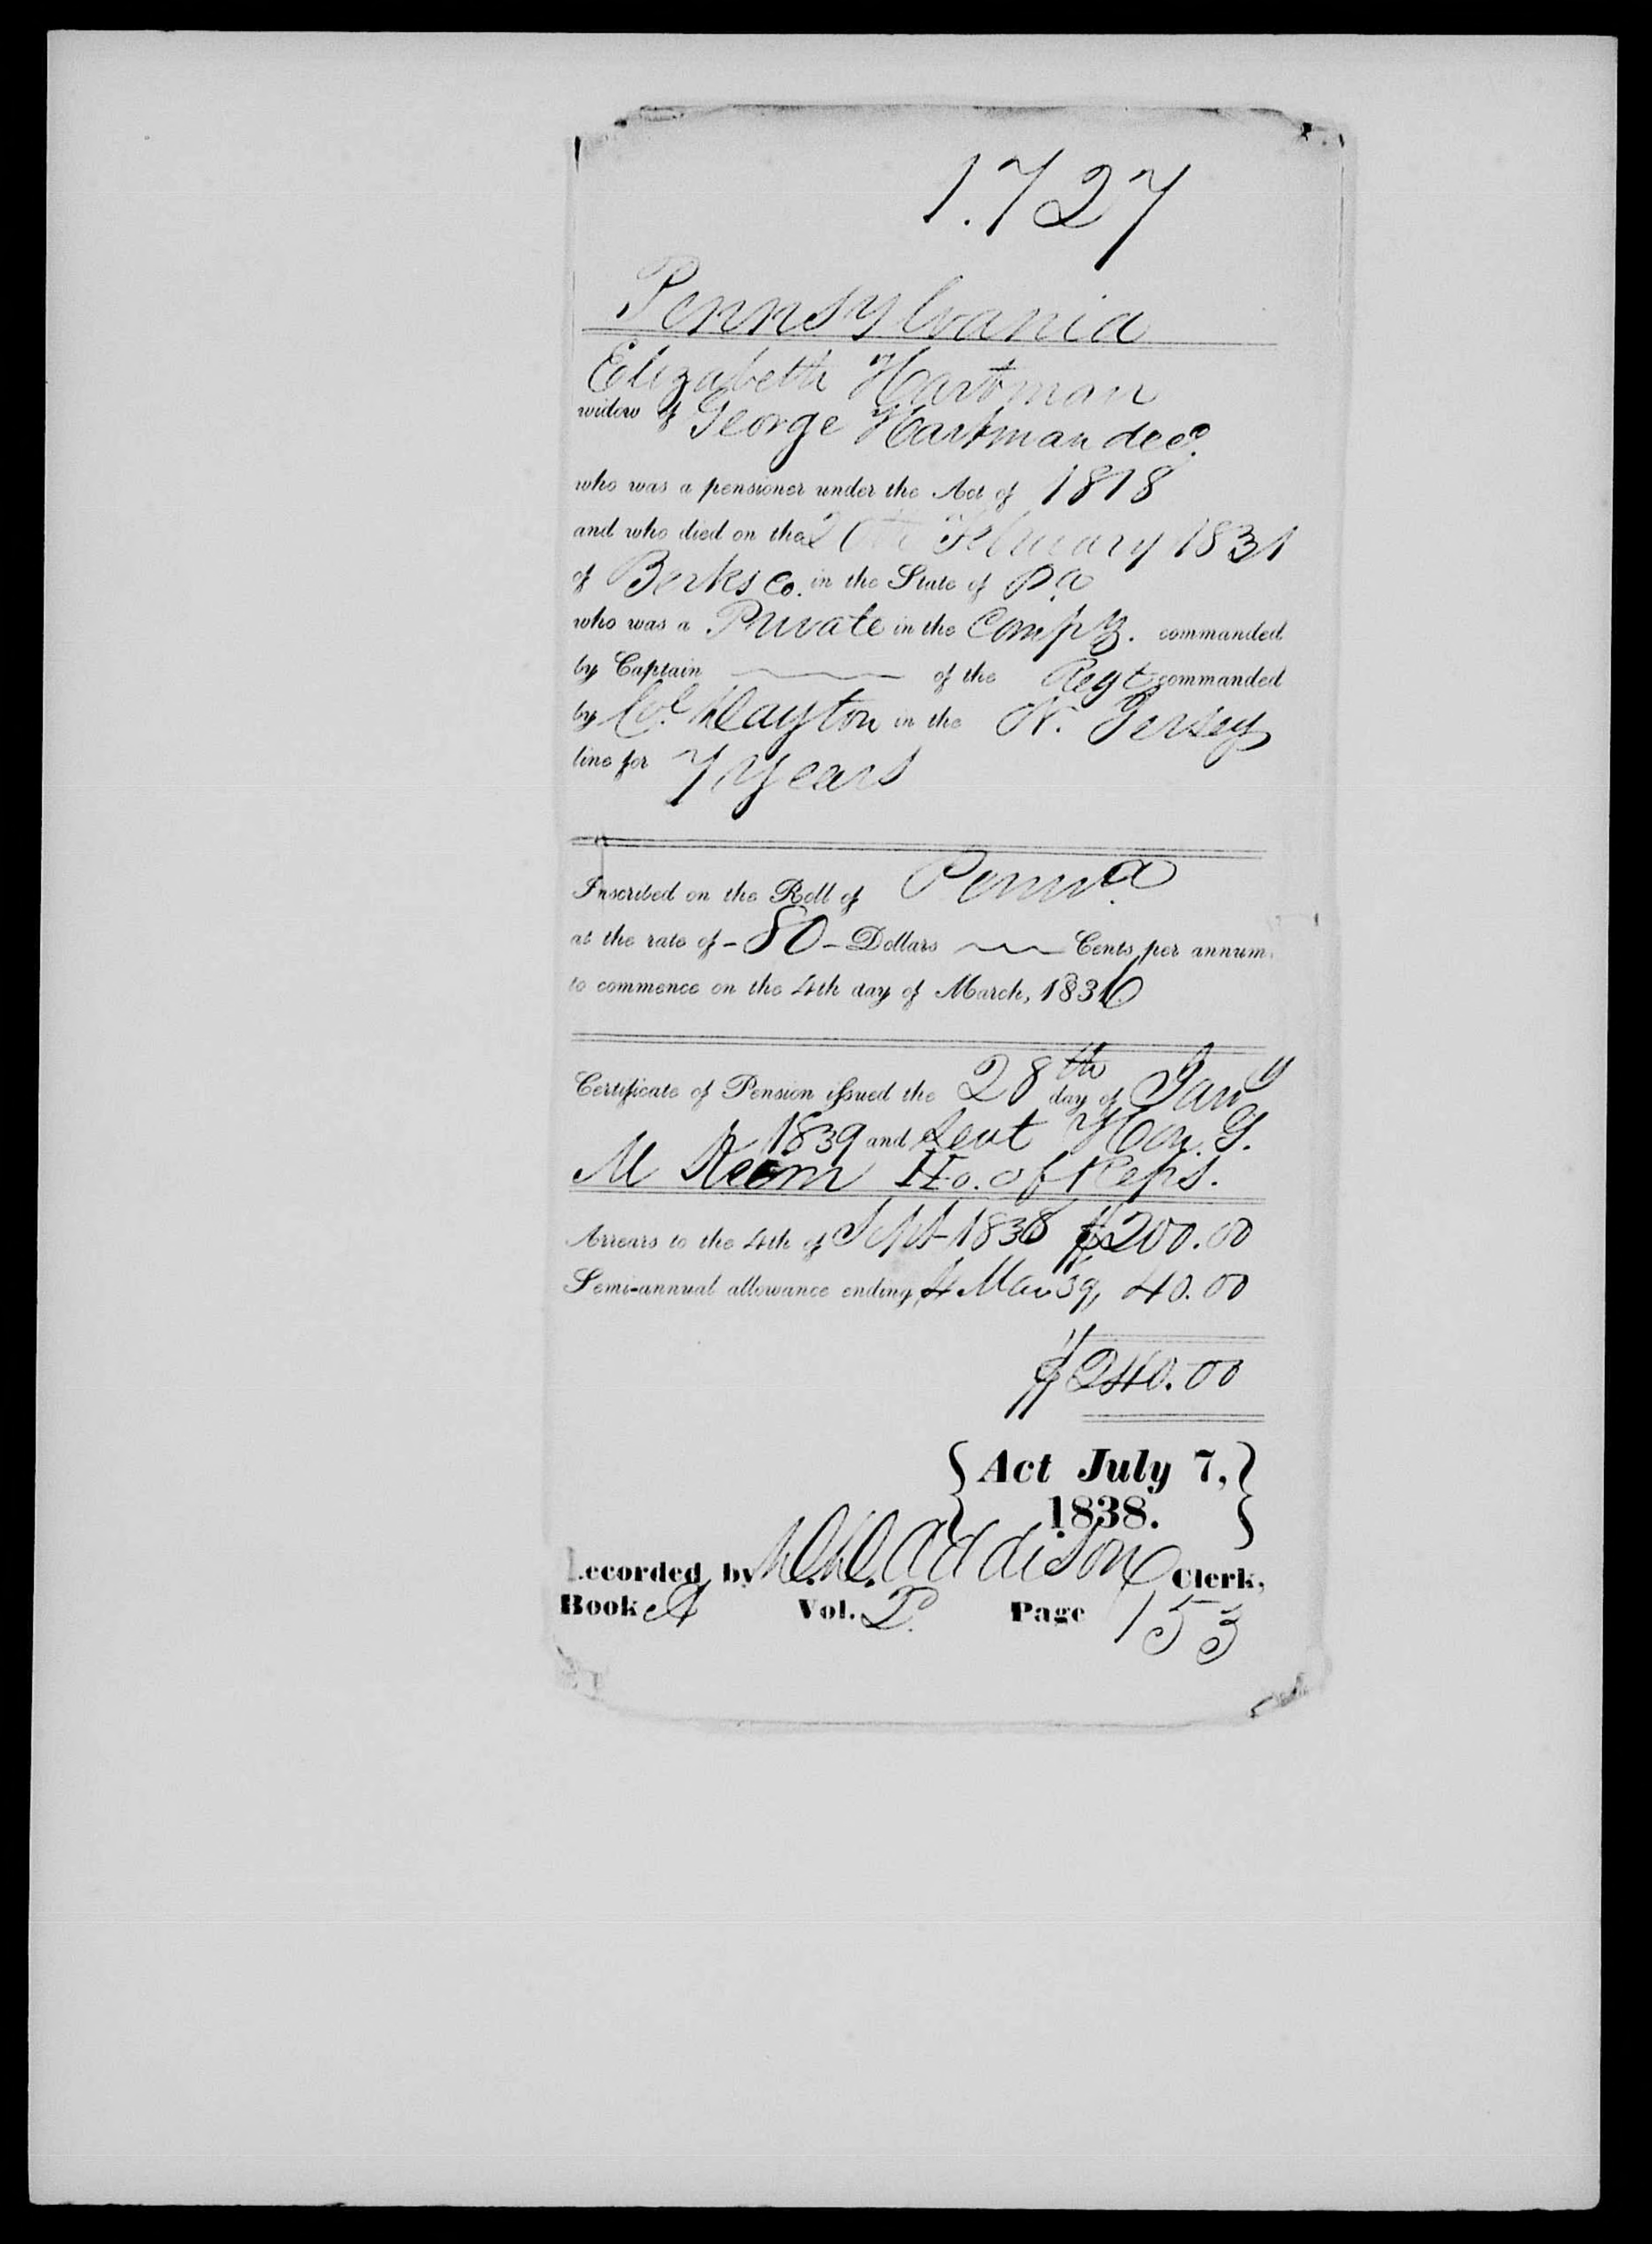1727
Pennsylvania
Elizabeth Hartman
widow of George Hartman decd
who was a pensioner under the Act of 1818
and who died on the 20th February 1831
of Berks Co in the State of Pa
who was a Private in the company commanded
by Captain --- of the Regt commanded
by Col Dayton in the N Jersey
line for 7 years
Inscribed on the Roll of Penna
at the rate of 80 Dollars --- Cents per annum
to commence on the 4th day of March, 1836
Certificate of Pension issued the 28th day of Jany
1839 and sent [illegible]
[illegible]
Arrears to the 4th of Sept 1838 $200.00
Semi-annual allowance ending 4 Mar 39, 40.00
$240.00
{Act July 7}
1838
Recorded by D. D. Addison clerk,
Book A Vol L Page 153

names: D D Addison, Dayton, Elizabeth Hartman, G M Keim, George Hartman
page: 26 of 29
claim: widow's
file: W. 2,789, George Hartman, New Jersey